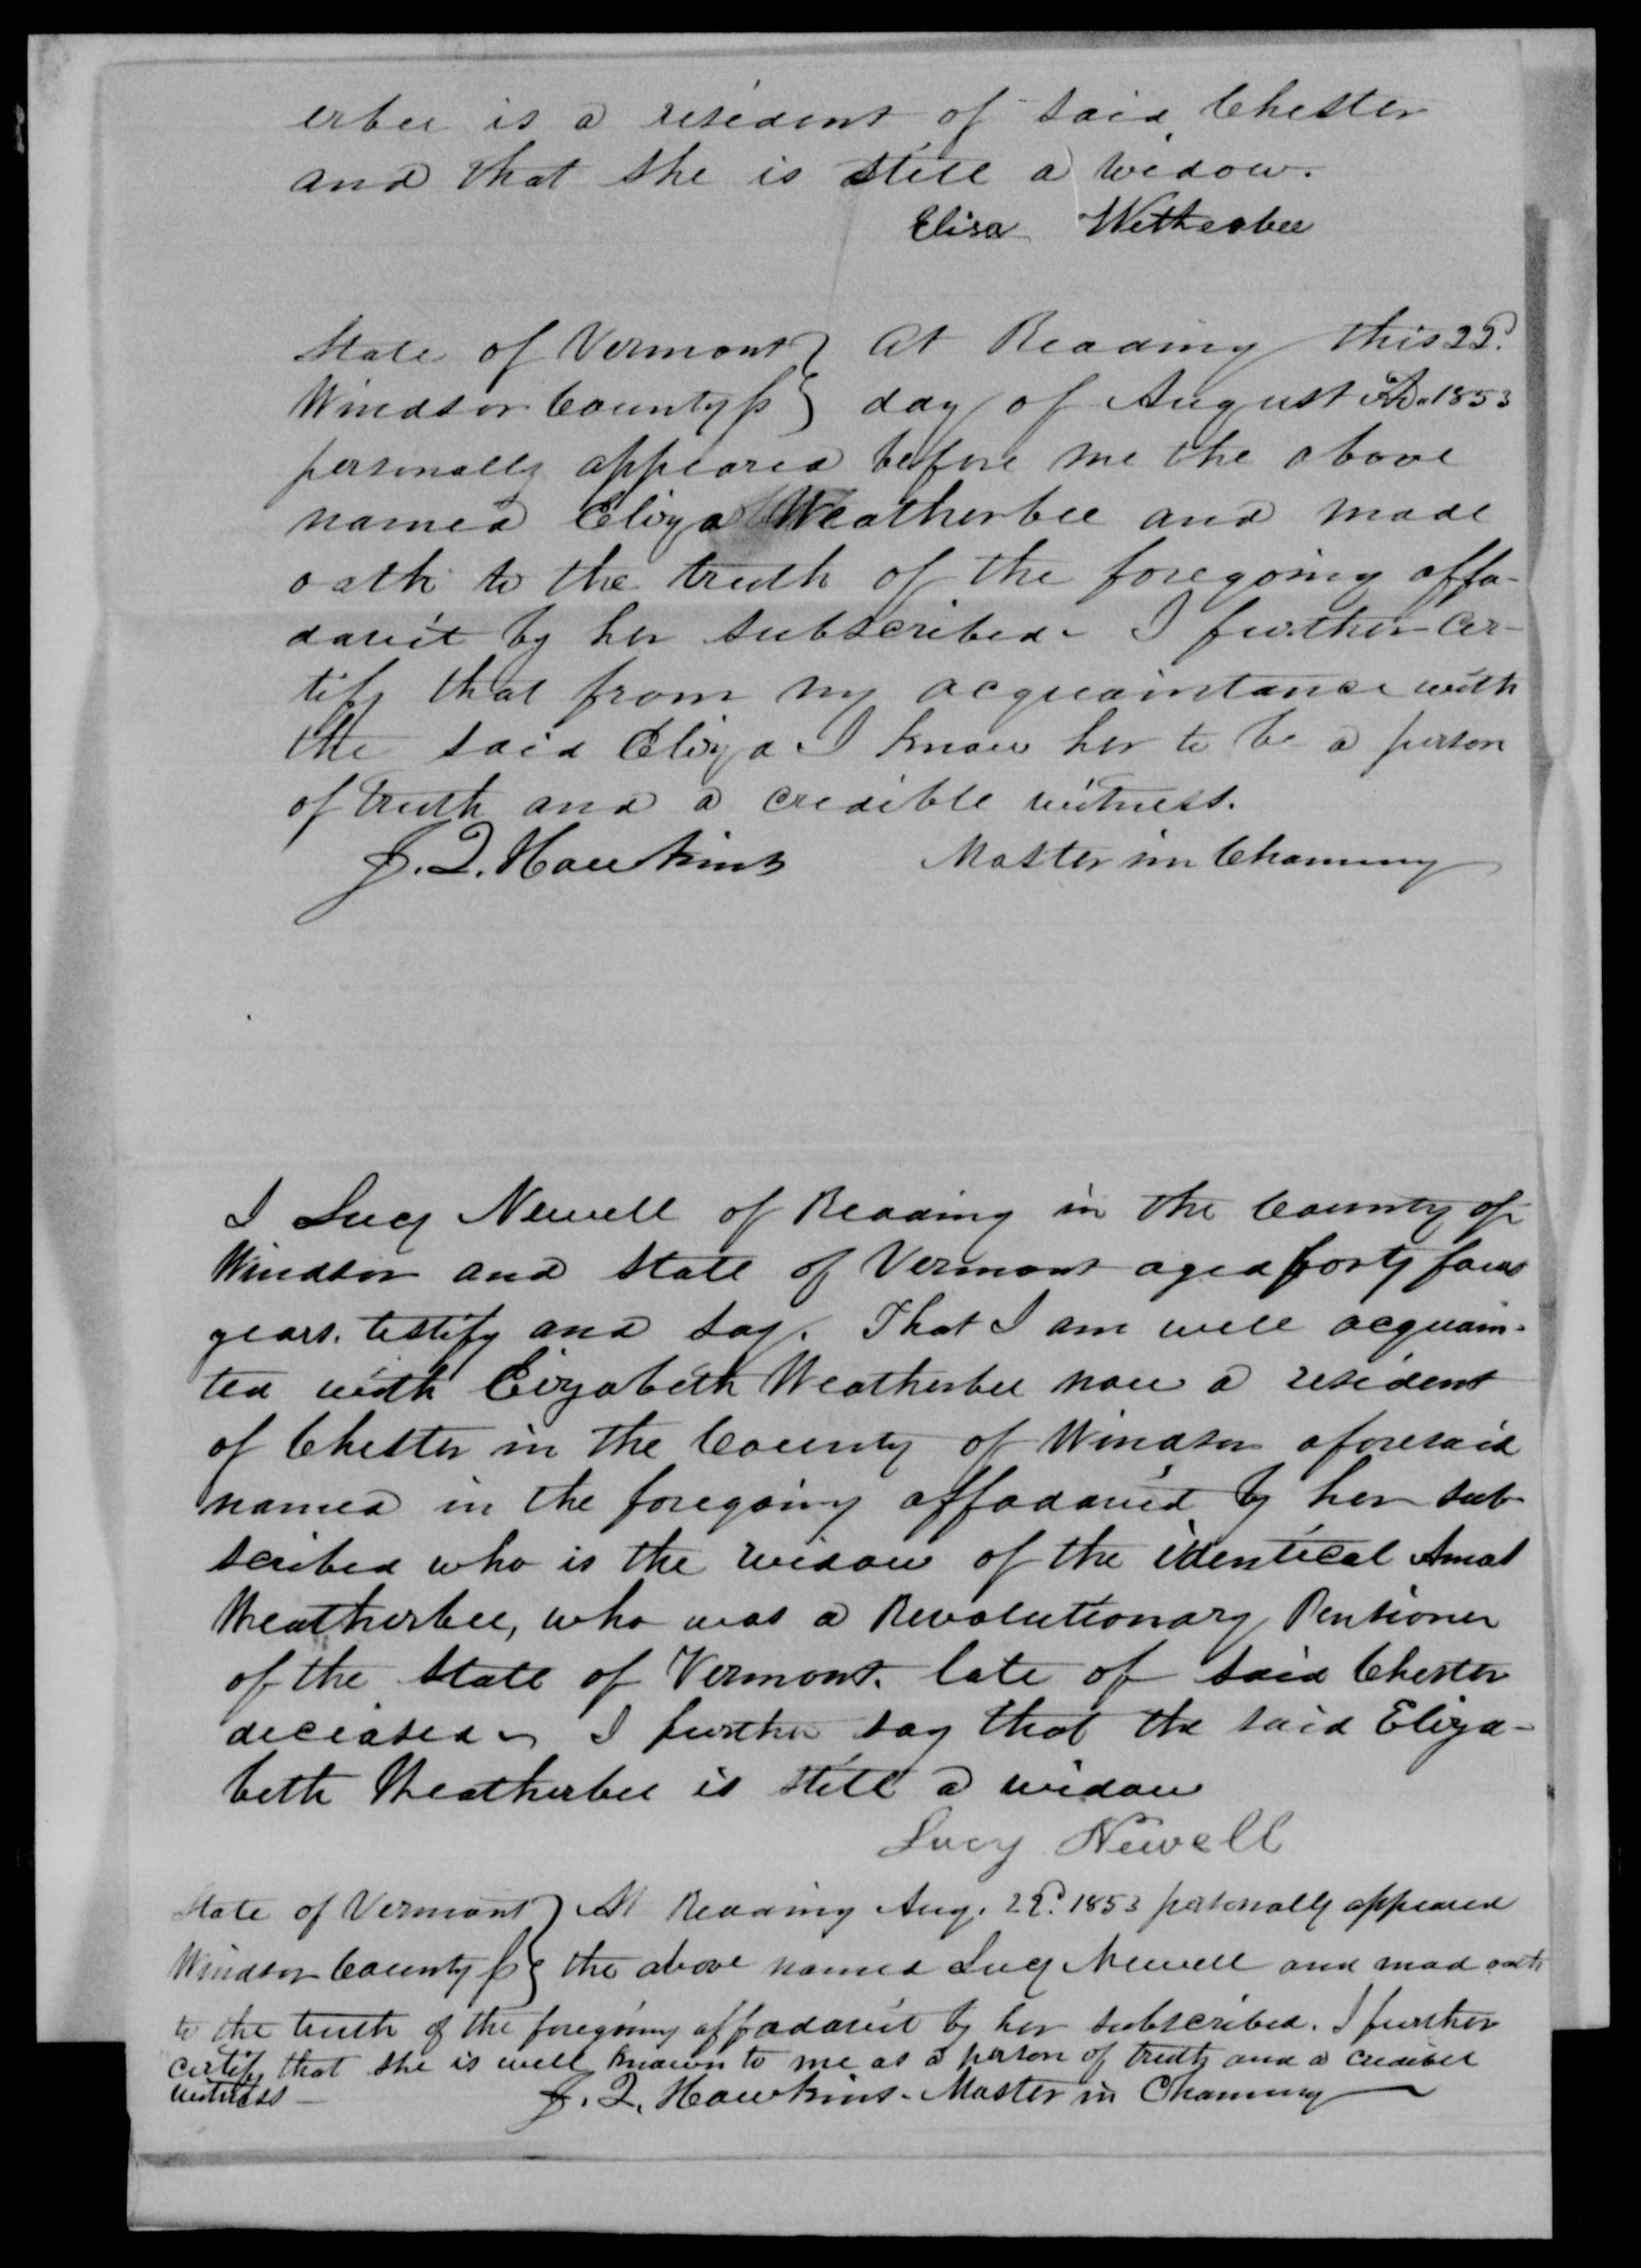erbee is a resident of said Chester and that she is still a widow.
Elisa Wetherbee


State of Vermont
Windsor County SS
At Reading this 22d day of August AD 1853 personally appeared before me the above named Eliza Weatherbee and made oath to the truth of the foregoing affadivit by her subscribed. I further certify that from my acquaintance with the said Eliza I know her to be a person of truth and a credible witness.
J. Q. Hawkins Master in Chancery

I Lucy Newell of Reading in the County of Windsor and State of Vermont aged forty four years testify and sat That I am well acquainted with Elizabeth Weatherbee now a resident of Chester in the County of Windsor aforesaid named in the foregoing affadavit by her subscribed who is the widow of the identical Amos Weatherbee, who was a Revolutionary pensioner of the State of Vermont, late of said Chester, deceased. I further say that the said Elizabeth Weatherbee is still a widow.
Lucy Newell

State of Vermont
Windor County SS At Reading Aug. 22, 1853 personally appeared the above named Lucy Newell and made oath to the truth of the foregoing affadivit by her subscribed. I further certify that she is well known to me as a person of truth and a credible witness.
J. Q. Hawkins, Master in Chancery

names: Lucy Newell, J Q Hawkins, Elisa Wetherbee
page: 34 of 66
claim: widow's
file: W. 2468, Amos Wetherbee, Mass.